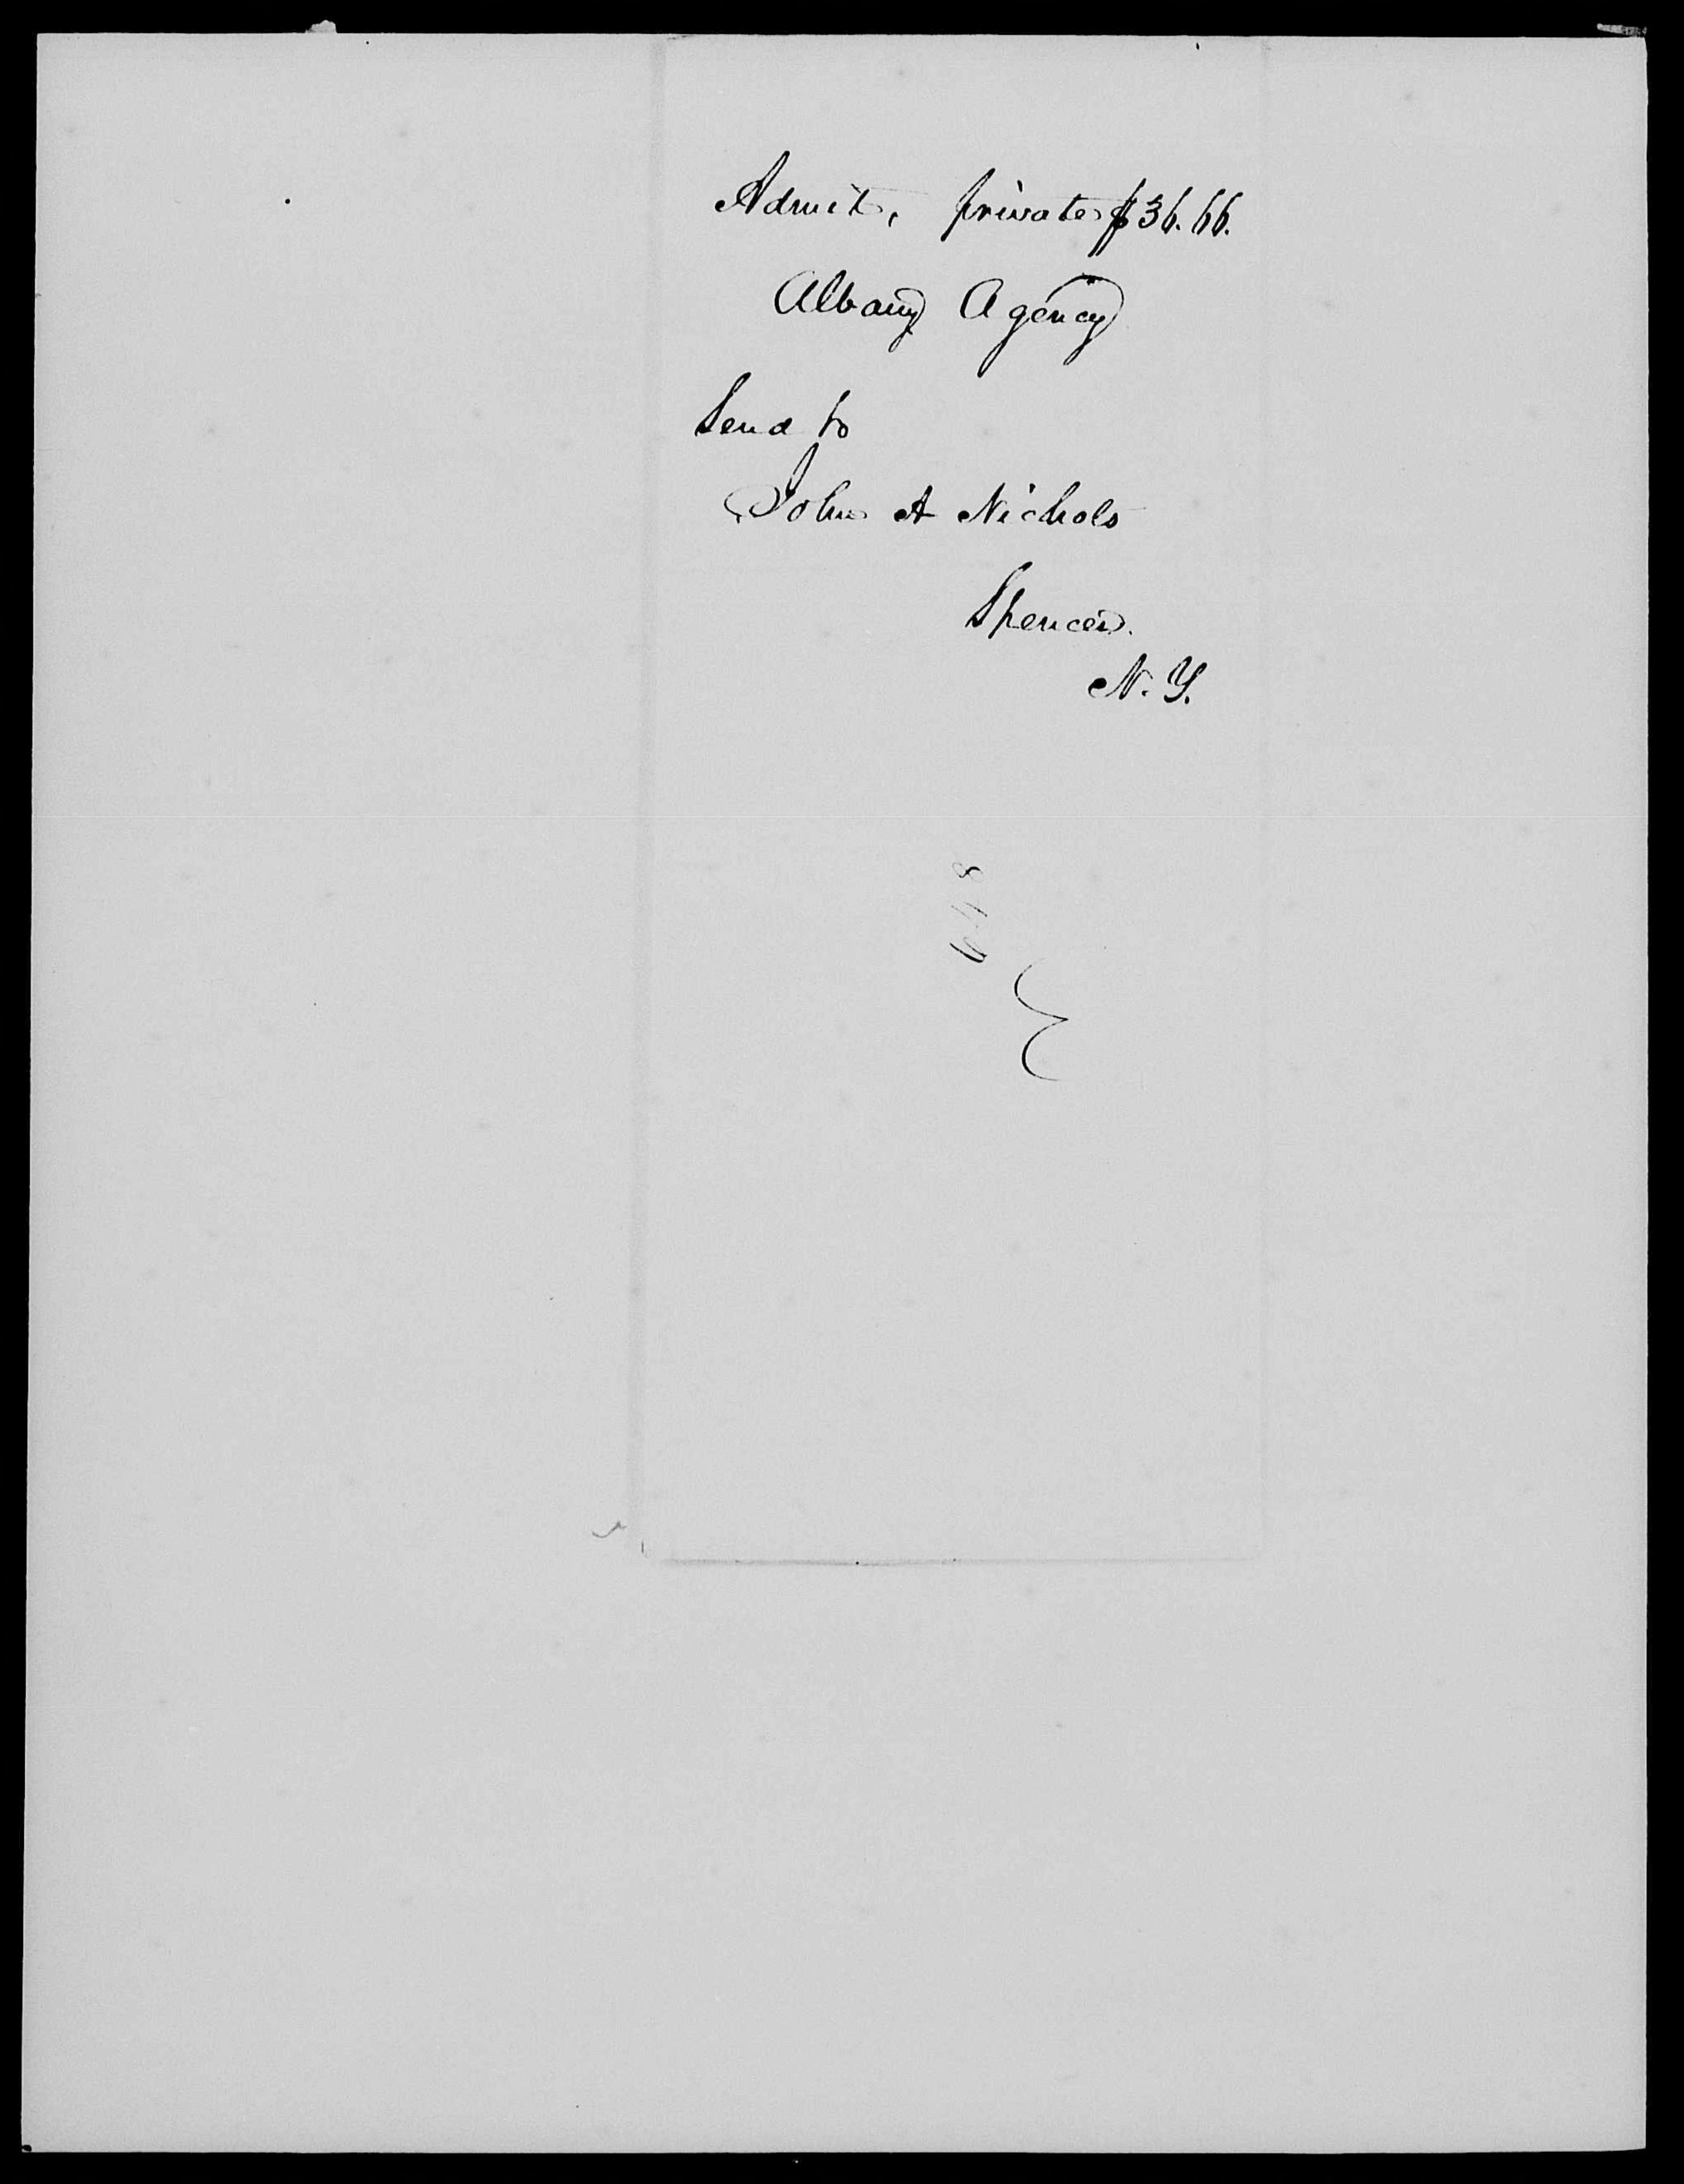Admit, private $36.66.
Albany Agency
Send to
[illegible] A Nichols
Spencer.
N.Y.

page: 25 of 30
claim: widow's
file: W. 23,904, for Nathan Martin, New Hampshire